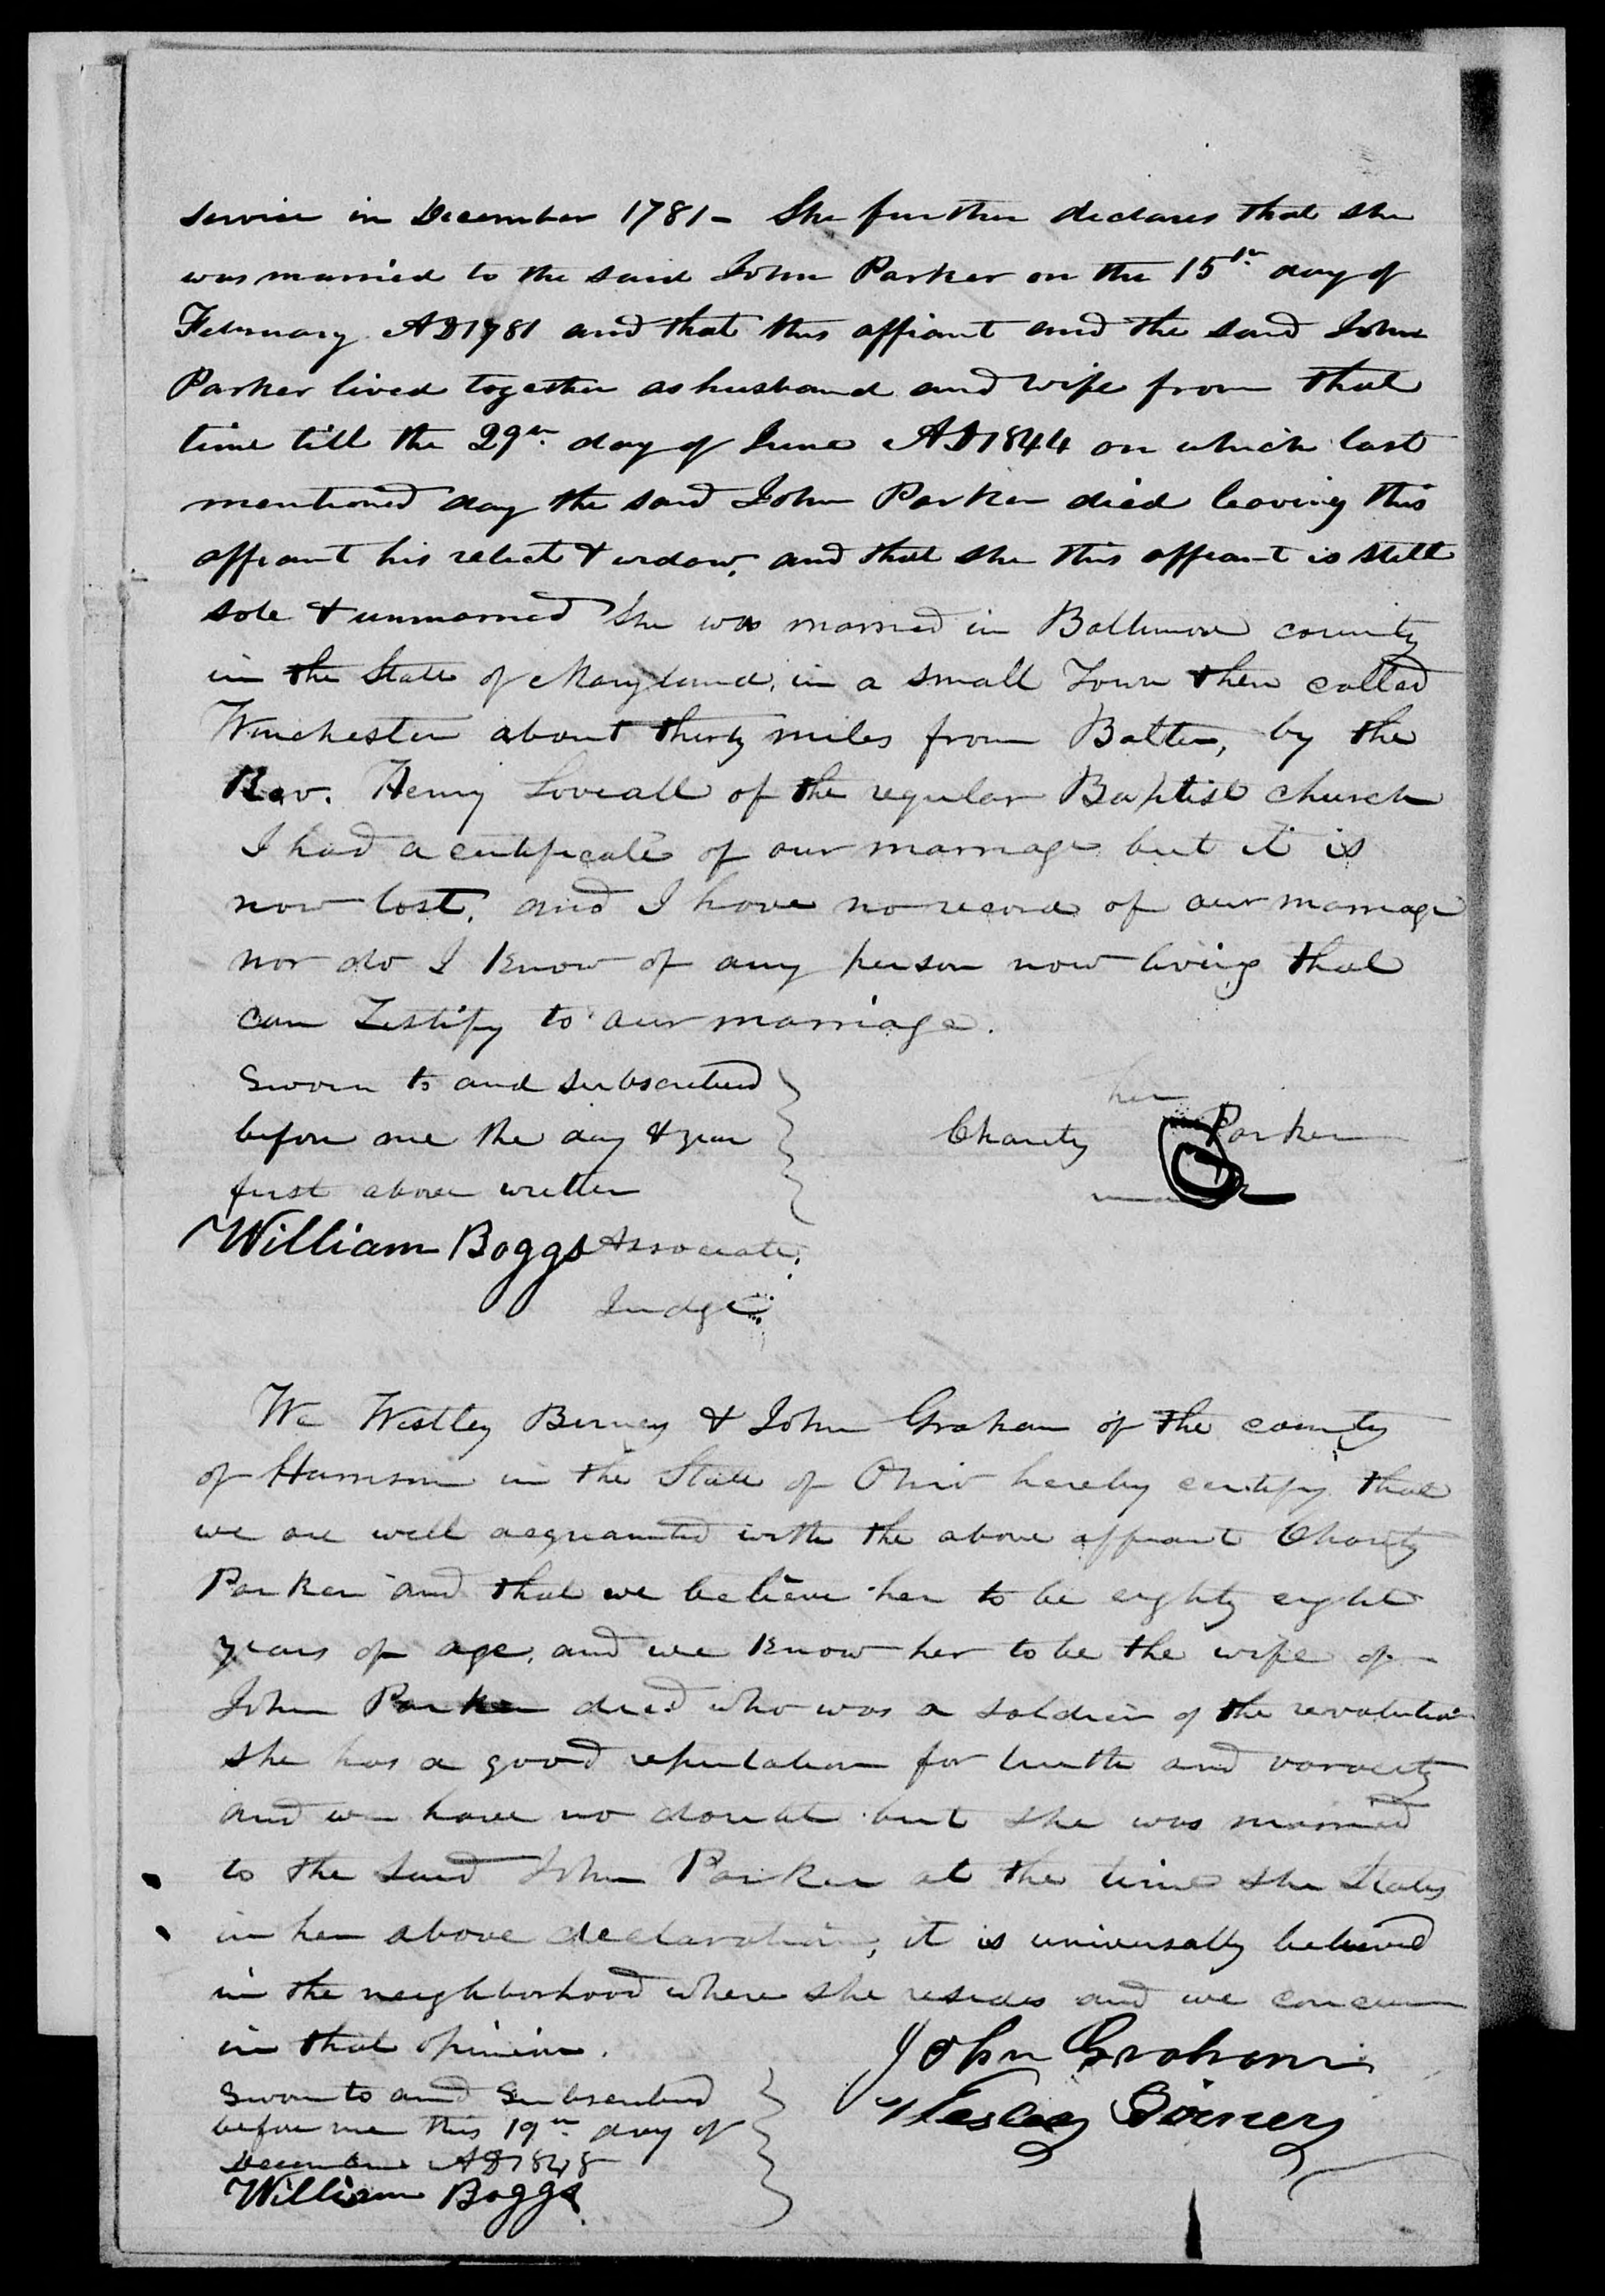service in December 1781. She further declares that she was married to the said John Parker on the 15th day of February A.D. 1781 and that this affiant and the said John Parker lived together as husband and wife from that time till the 29th day of June A.D. 1844 on which last mentioned day the said John Parker died leaving this affiant his [illegible] & widow, and that she this affiant is still sole & unmarried. She was married in Baltimore county in the state of Maryland in a small Town then called Winchester about thirty miles from Baltimore, by the Rev. Henry Lovall of the regular Baptist church. I had a certificate of our marriage but it is now lost, and I have no record of our marriage nor do I know of any person now living that can testify to our marriage.
[Signed with the note "Her mark" and an "X"] Charity Parker
Sworn to and subscribed before me the day & year above written
//s// William Boggs Associate Judge

We Westley Birney & John Graham of the county of Harrison in the State of Ohio hereby certify that we are well acquainted with the above affiant Charity Parker and that we believe her to be eighty eight years of age and we know her to be the wife of John Parker decd. who was a soldier of the revolution. She has a good reputation for truth and veracity and we have no doubt but she was married to the said John Parker at the time she states in her above declaration, it is universally believed in the neighborhood where she resides and we concur in that opinion.
//s// John Graham
//s// Westley Birney
Sworn to and subscribed before me this 19th day of December A.D. 1848
//s// Wiliam Boggs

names: John Parker; Charity Parker; William Boggs; Henry Loveall; John Graham; Westley Berney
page: 9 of 40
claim: widow's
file: W. 3,588, for John Parker, Pennsylvania